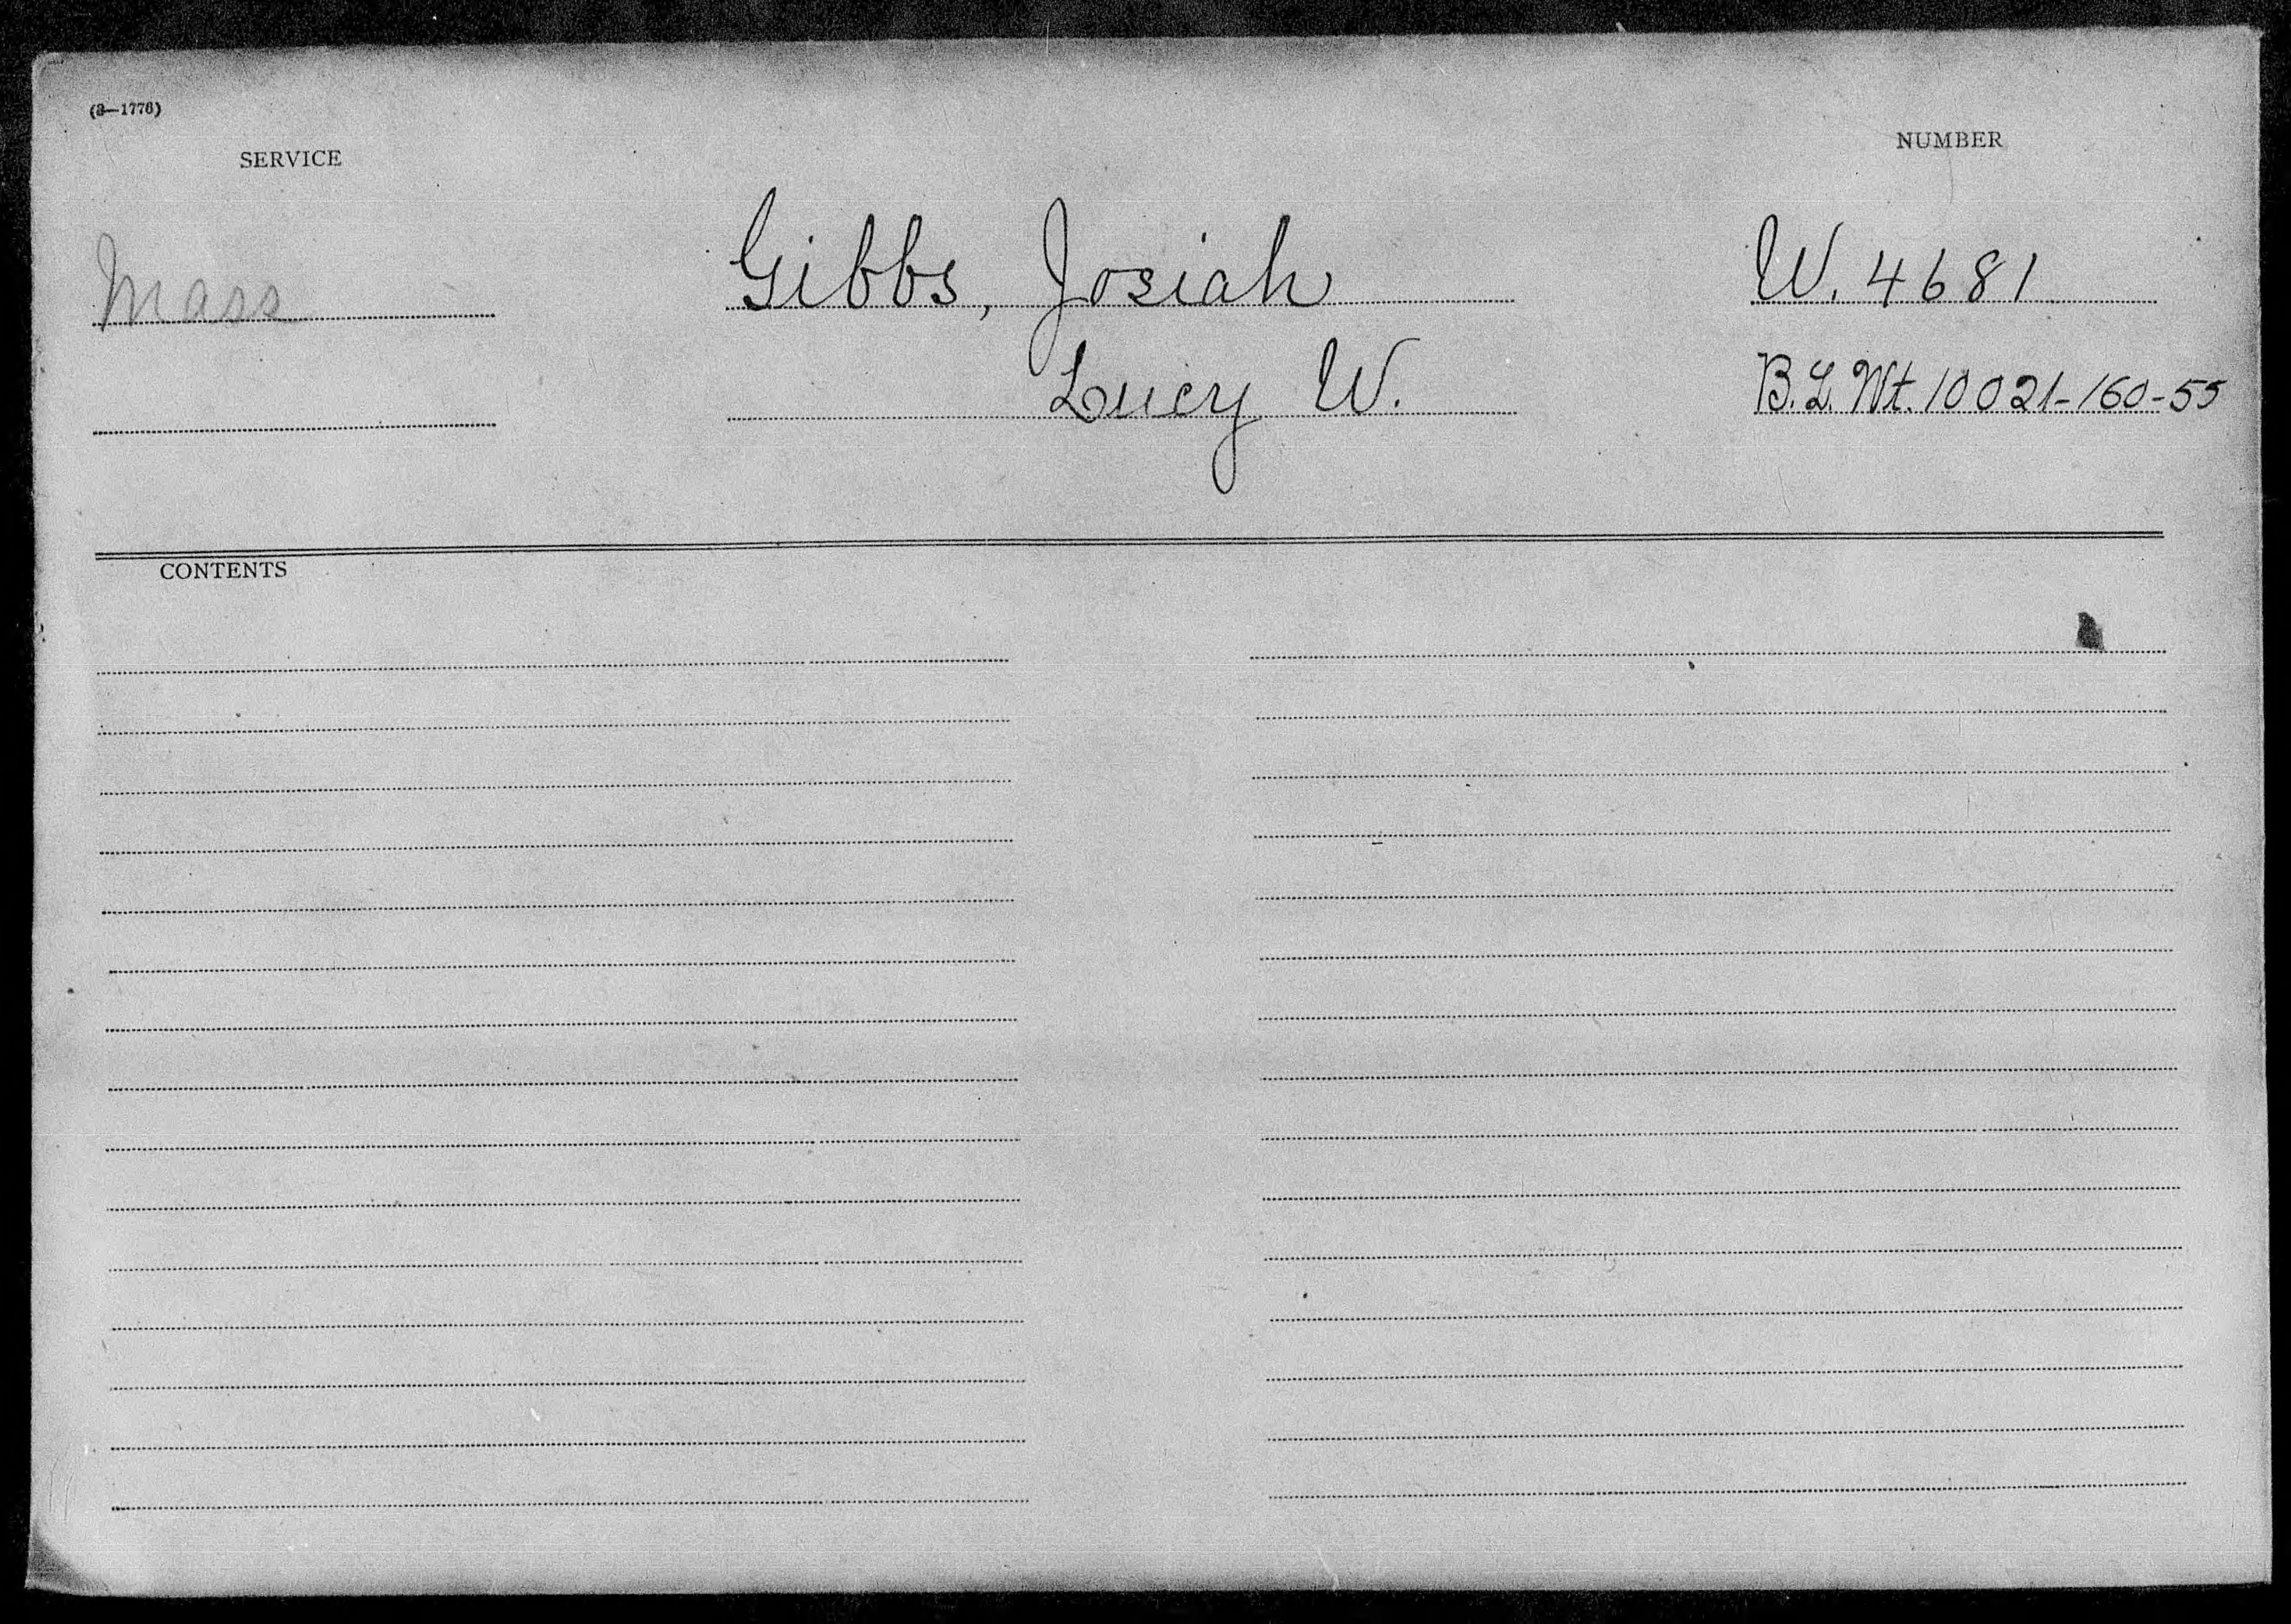(3-1776)
SERVICE Mass

Gibbs, Josiah
 Lucy W.

NUMBER
W. 4681
B.L. Wt. 10021-160-55
..................................................
Contents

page: 1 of 33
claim: widow's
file: W. 4681, Josiah Gibbs, Mass